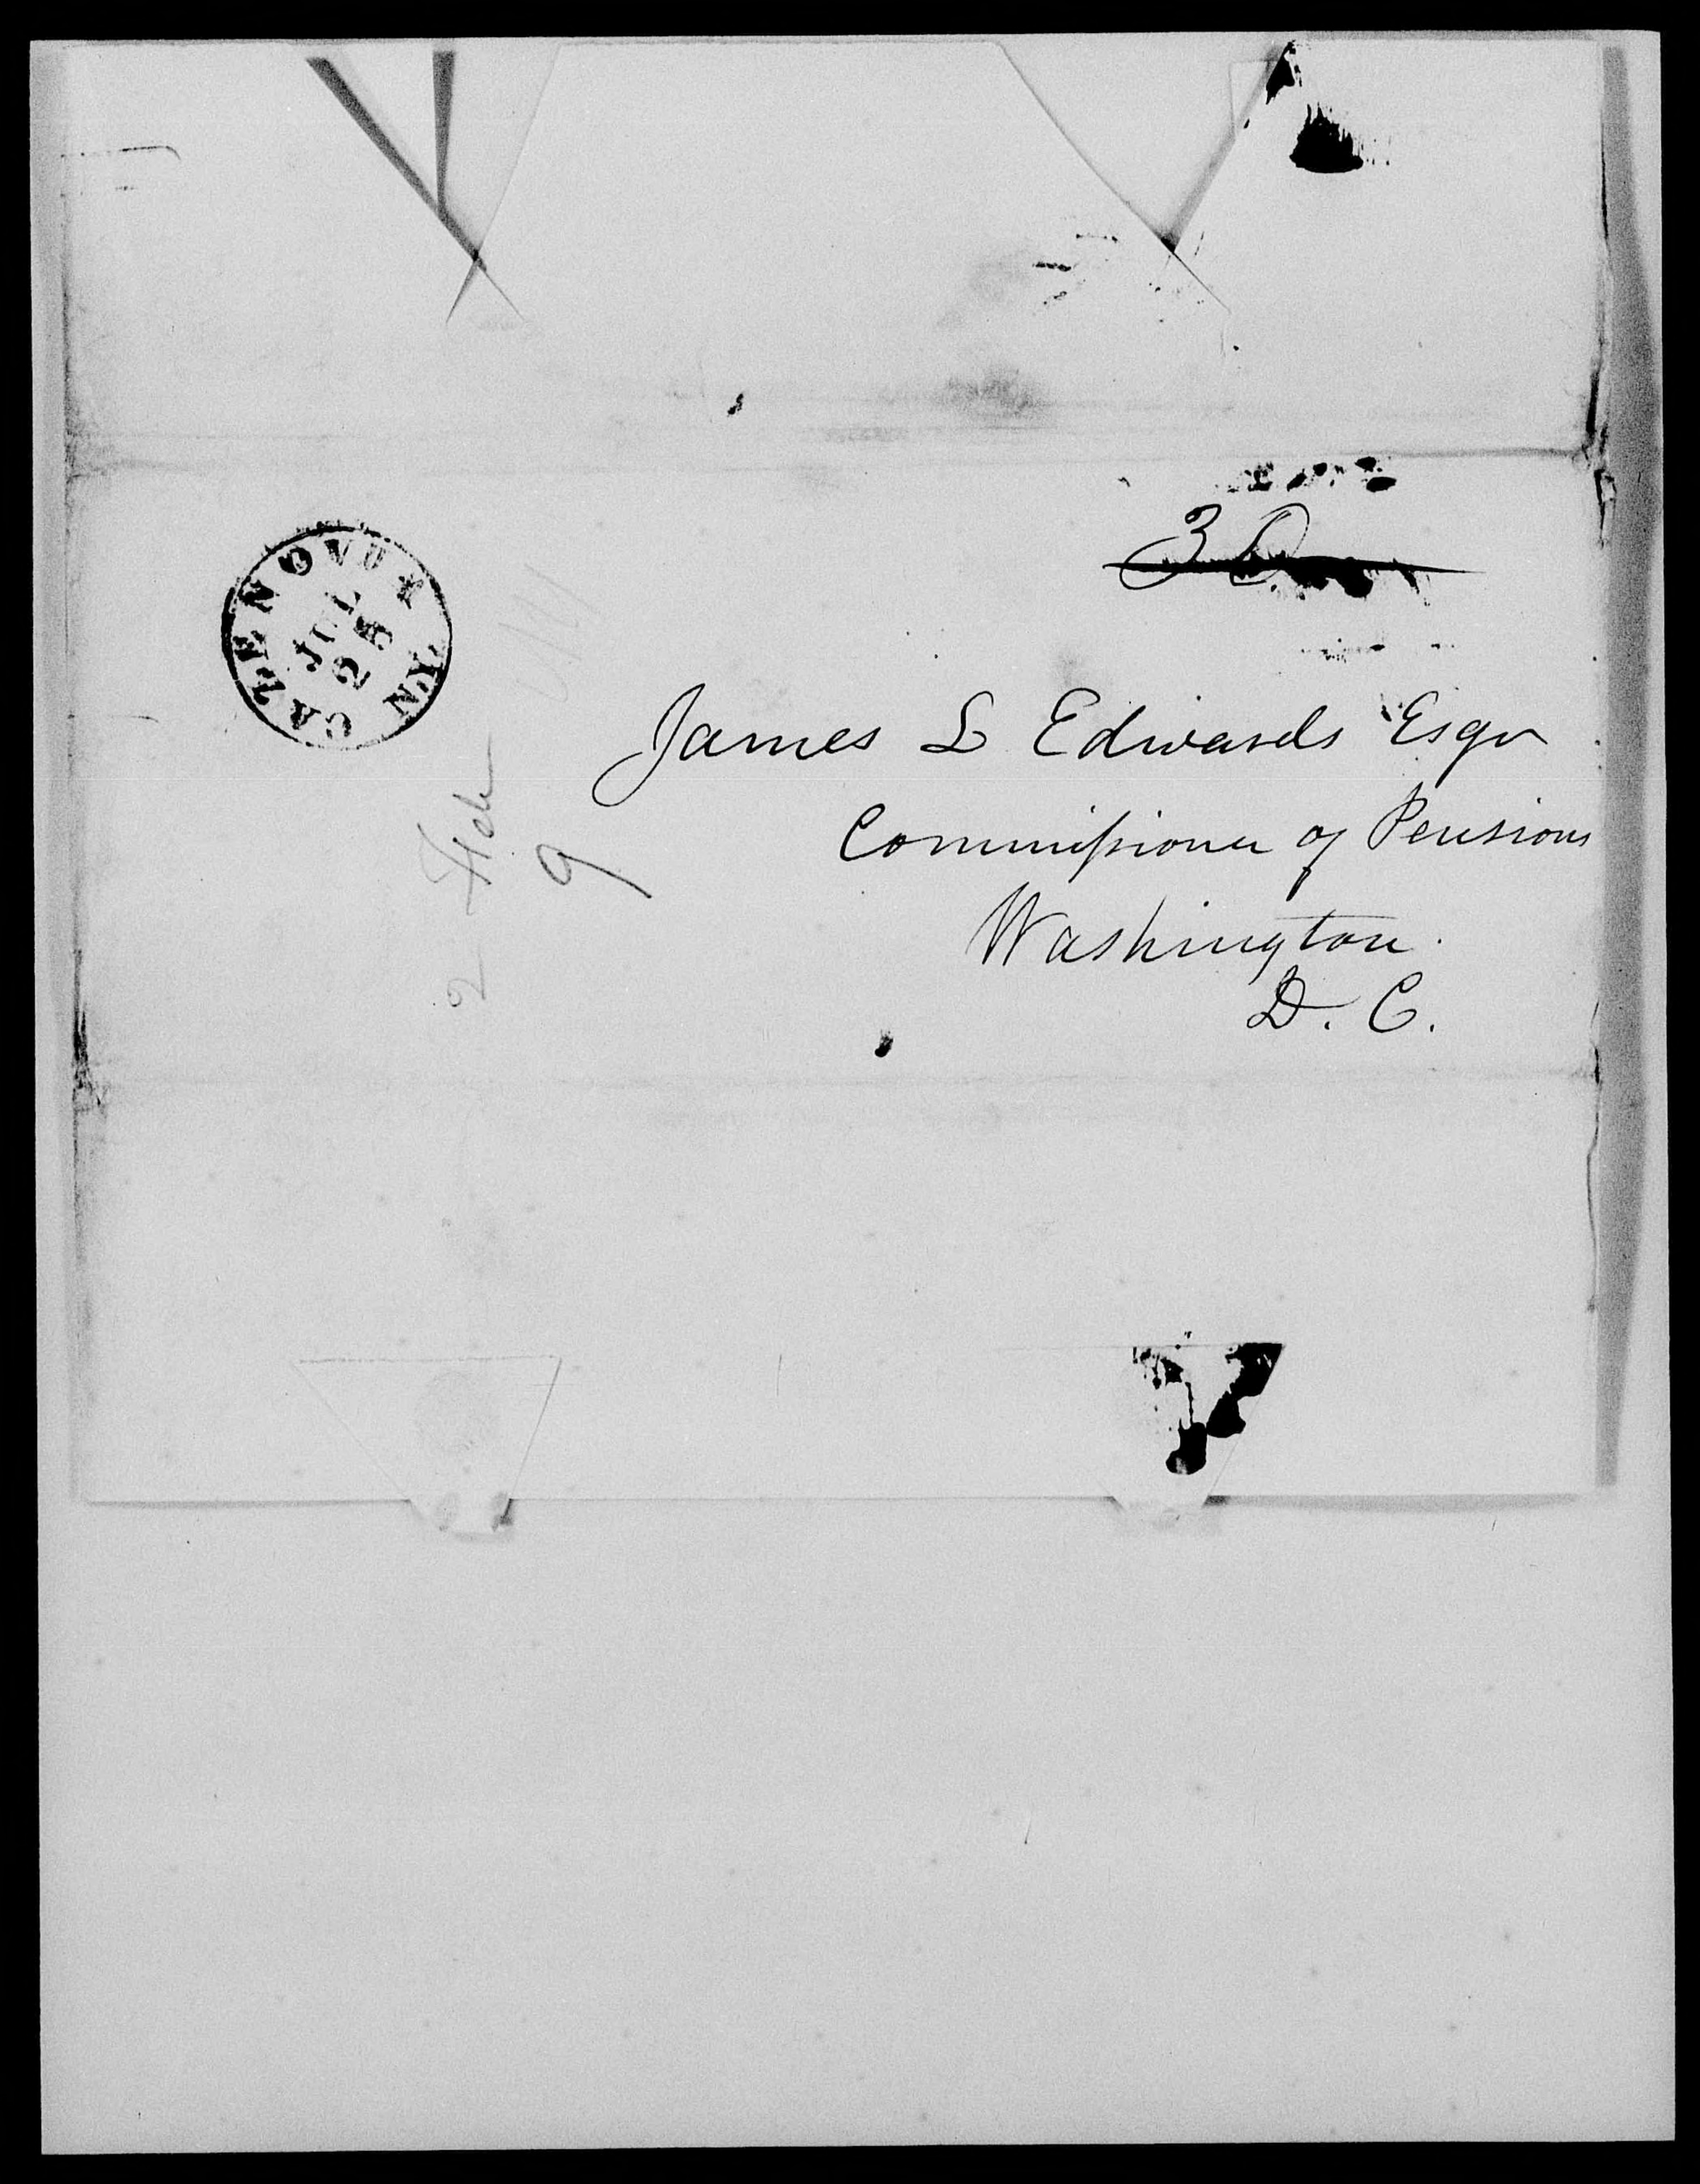30
James L Edwards Esqr
Commissioner of Pensions
Washington D. C.

2 Feb 9

[Postmark reads:]
CAZENOVIA N.Y. JUL 25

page: 23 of 40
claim: widow's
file: W. 24,615, for Ebenezer Lyon, Connecticut